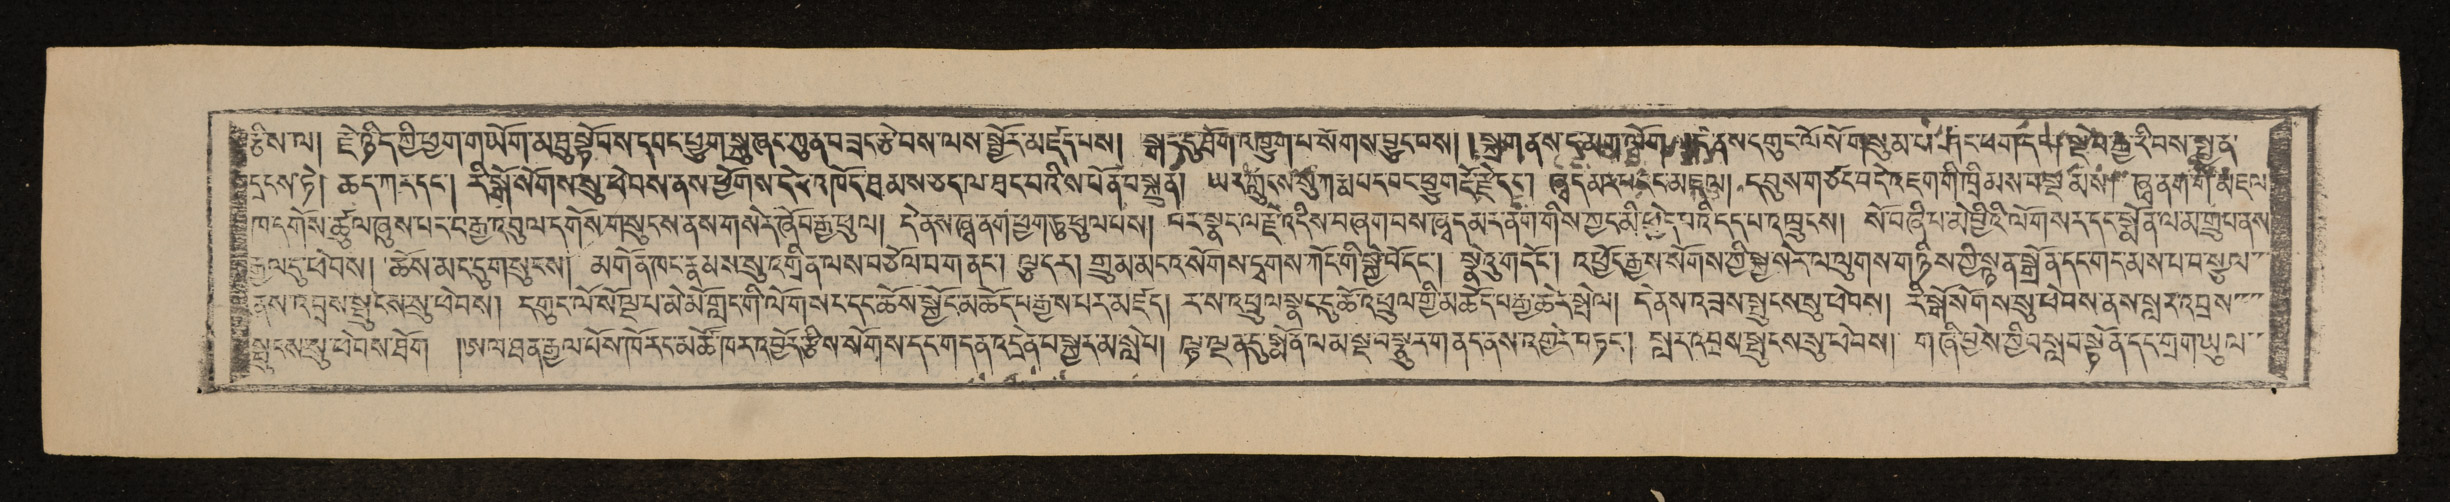རྩིས་ལ། རྗེ་ཉིད་ཀྱི་ཕྱག་གཡོག་མཐུ་སྟོབས་དབང་ཕྱུག་སྐུ་ཞང་ཀུན་བཟང་རྩེ་བས་ལས་སྦྱོར་མཛད་པས། སྒར་དུ་ཐོག་འཁྱུག་པ་སོགས་བྱུང་བས། སྐྲག་ནས་དམག་ལོག །དེ་ནས་དགུང་ལོ་སོ་གསུམ་པ་ཤིང་ཕག་དེར། སྡེ་པ་རྒྱ་རི་བས་སྤྱན་
དྲངས་ཏེ། ཆད་ཀར་དང་། རི་སྒོ་སོགས་སུ་ཕེབས་ནས་ཕྱོགས་དེར་འཁོད་ཐམས་ཅད་ལ་ཐར་བའི་ས་བོར་བསྐྲུན། ཡར་ཀླུངས་སུ་ཀརྨ་བ་དབང་ཕྱུག་རྡོ་རྗེ་དང་། ཞྭ་དམར་བ་དང་མཇལ། དབུས་གཙང་བདེ་འཇག་གི་ཁྲིམས་བསྡམས། ཞྭ་ནག་གི་མཇལ་
ཁ་དགོས་ཚུལ་ཞུས་པར་བརྒྱ་འབུལ་དགོས་གསུངས་ནས་གསེར་ཞོ་བརྒྱ་ཕུལ། དེ་ནས་ཞྭ་ནག་ཕྱག་ཏུ་ཕུལ་བས། བར་སྣང་ལ་རྗེ་འདིས་བཞག་པས་ཞྭ་དམར་ནག་གིས་ཀྱང་མི་ཕྱེད་པའི་དད་པ་འཁྲུངས། སོ་བཞི་པ་མེ་བྱིའི་ལོ་གསར་དང་སྨོན་ལམ་གྲུབ་ནས་
རྒྱལ་དུ་ཕེབས། ཆོས་མང་དུ་གསུངས། མགོན་ཁང་རྣམས་སུ་འཕྲིན་ལས་བཅོལ་བ་གནང་། ལྕ་དར། གྲུམ་མདའ་སོགས་དྭགས་ཀོང་གི་སྐྱེ་བོ་དང་། སྣེའུ་གདོང་། འཕྱོང་རྒྱས་སོགས་ཀྱི་སྐྱ་སེར་ལ་ལུགས་གཉིས་ཀྱི་སྙན་སྒྲོན་དང་གདམས་པ་བསྩལ་
ནས་འབྲས་སྤུངས་སུ་ཕེབས། དགུང་ལོ་སོ་ལྔ་པ་མེ་མོ་གླང་གི་ལོ་གསར་དང་ཆོས་སྐྱོང་མཆོད་པ་རྒྱས་པར་མཛད། ར་ས་འཕྲུལ་སྣང་དུ་ཆོ་འཕྲུལ་གྱི་མཆོད་པ་རྒྱ་ཆེར་སྤེལ། དེ་ནས་འབྲས་སྤུངས་སུ་ཕེབས། རི་སྒོ་སོགས་སུ་ཕེབས་ནས་སླར་འབྲས་
སྤུངས་སུ་ཕེབས་ཐོག །ཨལ་ཐན་རྒྱལ་པོས་ཁོ་རང་མཚོ་ཁར་འབྱོར་རྩིས་སོགས་དང་གདན་འདྲེན་བསྐྱར་མ་སླེབ། ལྷ་ལྡན་དུ་སྨོན་ལམ་སྔ་བསྣུར་གནང་ནས་འགྱེད་བཏང་། སླར་འབྲས་སྤུངས་སུ་ཕེབས། གཞི་བྱེས་ཀྱི་བསླབ་སྟོན་དང་གྲབ་ཡུལ་